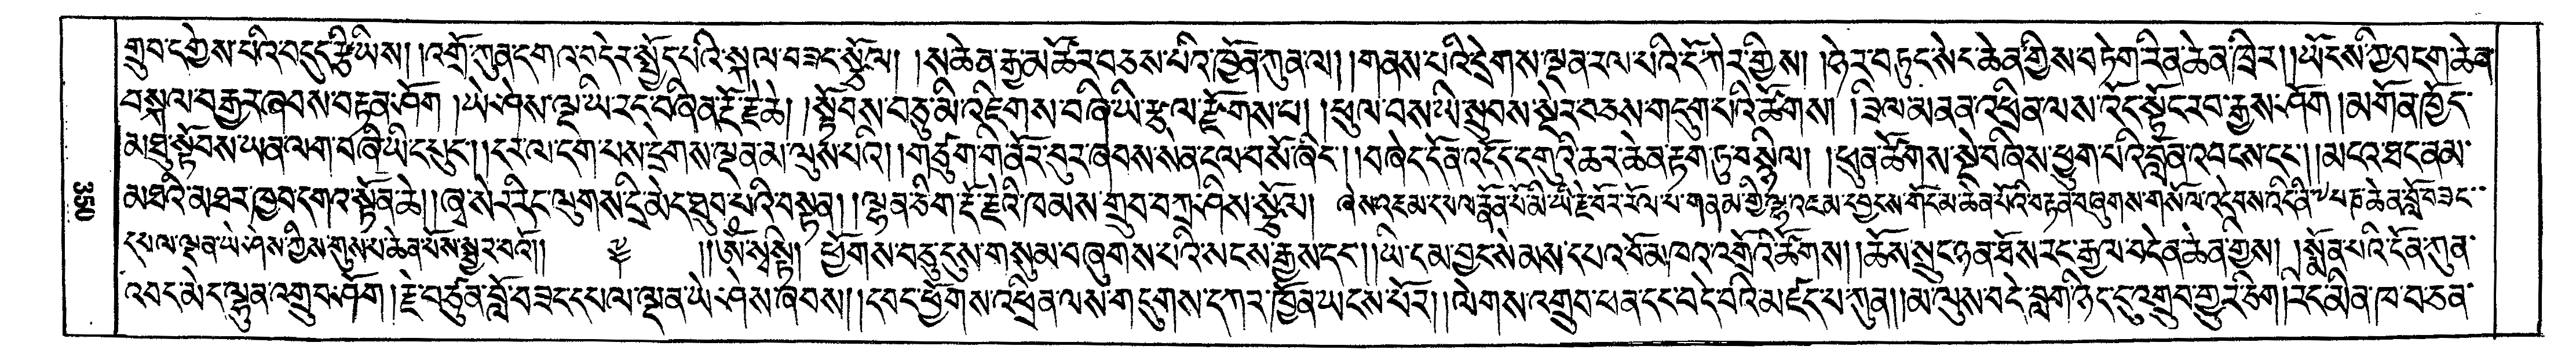གྲུབ་དགྱེས་པའི་བདུད་རྩི་ཡིས། །འགྲོ་ཀུན་དགའ་བདེར་སྤྱོད་པའི་སྐལ་བཟང་སྩོལ། །ས་ཆེན་རྒྱ་མཚོར་བཅས་པའི་ཁྱོན་ཀུན་ལ། །གནས་པའི་དྲེགས་ལྡན་རལ་པའི་དོ་ཀེར་གྱིས། །ཉེར་བཏུང་སེང་ཆེན་གྱིས་བཏེག་རིན་ཆེན་ཁྲིར། །ཡོངས་ཀྱི་བདག་ཆེན་
བསྐལ་བརྒྱར་ཞབས་བརྟན་ཤོག །ཡེ་ཤེས་ལྔ་ཡི་རང་བཞིན་རྡོ་རྗེ་ཆེ། །སྟོབས་བཅུ་མི་འཇིགས་བཞི་ཡི་རྩལ་རྫོགས་པ། །ཕུལ་བས་ཡི་སྲུབས་སྡེར་བཅས་གདུག་པའི་ཚོགས། །ཟིལ་མནན་འཕྲིན་ལས་འོད་སྟོང་རབ་རྒྱས་ཤོག །མགོན་ཁྱོད་
མཐུ་སྟོབས་ཡན་ལག་བཞི་ཡི་དཔུང་། །དར་ལ་དྲག་པས་དྲེགས་ལྡན་མ་ལུས་པའི། །གཙུག་གི་ནོར་བུར་ཞབས་སེན་ངལ་བསོ་ཞིང་། །བཞེད་དོན་འདོད་དགུའི་ཆར་ཆེན་རྟག་ཏུ་བསྙིལ། །ཕུན་ཚོགས་སྡེ་བཞིས་ཕྱུག་པའི་བློན་འབངས་དང་། །མངའ་ཐང་ནམ་
མཐའི་མཐར་ཁྱབ་དགའ་སྟོན་ཆེ། །ཞྭ་སེར་རིང་ལུགས་དྲི་མེད་ཐུབ་པའི་བསྟན། །ལྷན་ཅིག་རྡོ་རྗེའི་ཁམས་གྲུབ་བཀྲ་ཤིས་སྩོལ། ཞེས་འཇམ་དཔལ་རྣོན་པོ་མི་ཡི་རྗེ་བོར་རོལ་པ་གནམ་གྱི་ལྷ་འཇམ་དབྱངས་གོང་མཆེན་པོའི་བརྟན་བཞུགས་གསོལ་འདེབས་འདི་ནི ༧པཎ་ཆེན་བློ་བཟང་
དཔལ་ལྡན་ཡེ་ཤེས་ཀྱིས་གུས་པ་ཆེན་པོས་སྦྱར་བའོ།། ༈ །།ཨོཾ་སྭསྟི། ཕྱོགས་བཅུ་དུས་གསུམ་བཞུགས་པའི་སངས་རྒྱས་དང་། །ཡི་དམ་བྱང་སེམས་དཔའ་བོ་མཁའ་འགྲོའི་ཚོགས། །ཆོས་སྲུང་ཉན་ཐོས་རང་རྒྱལ་བདེན་ཆེན་གྱིས། །སྨོན་པའི་དོན་ཀུན་
འབད་མེད་ལྷུན་འགྲུབ་ཤོག །རྗེ་བཙུན་བློ་བཟང་དཔལ་ལྡན་ཡེ་ཤེས་ཞབས། །དབང་ཕྱོགས་འཕྲིན་ལས་གདུགས་དཀར་ཁྱོན་ཡངས་པོར། །ལེགས་འགྲུབ་ཕན་དང་བདེ་བའི་མཛད་པ་ཀུན། །མ་ལུས་བདེ་བླག་ཉིད་དུ་འགྲུབ་གྱུར་ཅིག །རིང་མིན་ཁ་བ་ཅན་